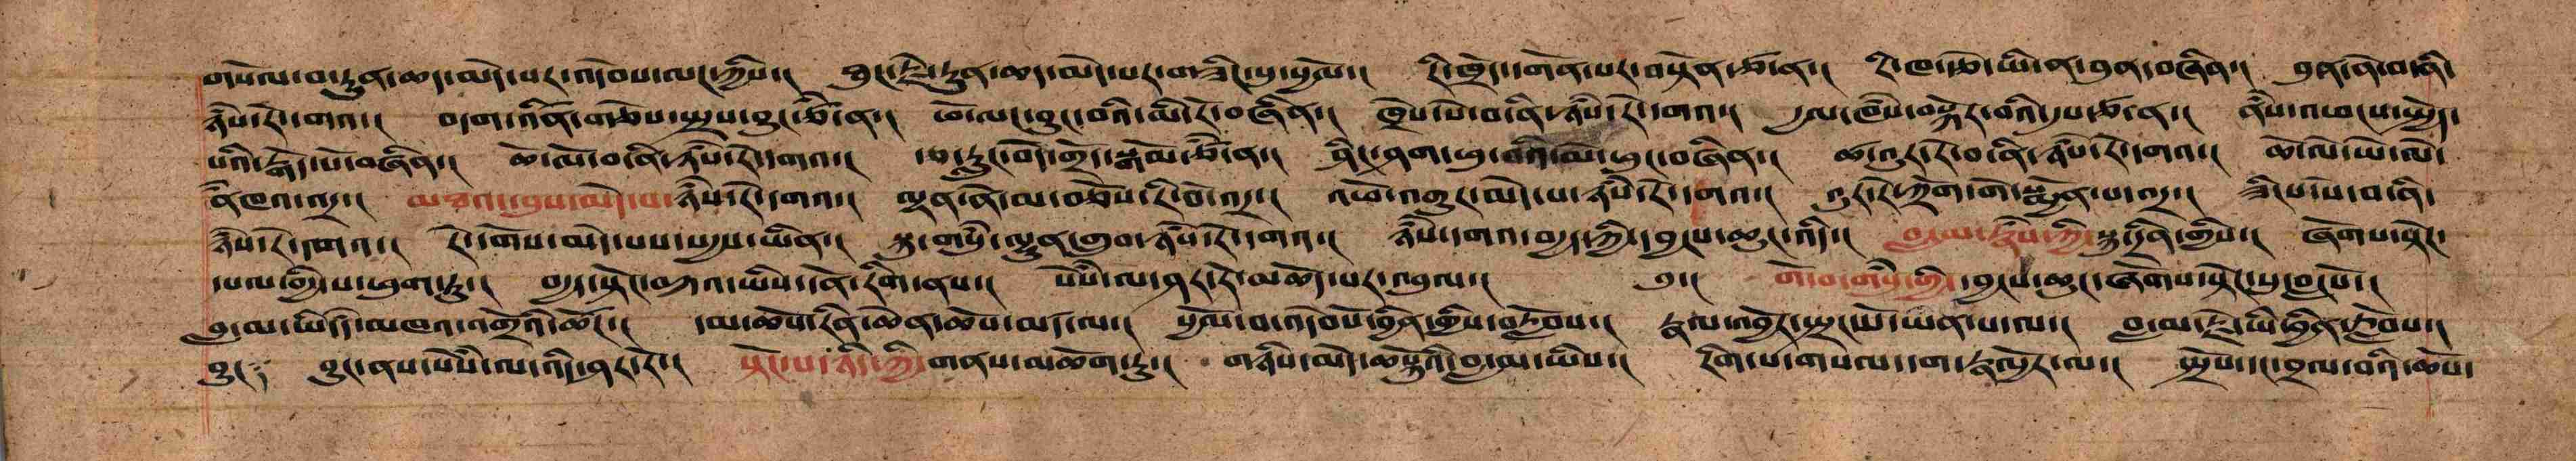གསོལ་བ་རྒྱུན་ཆད་མེད་པར་འདེབས་ལགས་ཀྱིས།། ཐུགས་རྗེ་རྒྱུན་ཆད་མེད་པར་གཟིགས་སུ་གསོལ།། རི་ཁྲོད་དགོན་པར་བསྟེན་ཙ་ན།། རི་ཁ་རྩེ་ཡི་ན་བུན་བཞིན།། བུན་ནེ་བ་ནི་
ཉམས་རེ་དགའ།། བདག་འཛིན་གཅེས་སྤྲས་བྱུང་ཙམ་ན།། ཕོ་ལང་བྱུང་བའི་མི་རོ་བཞིན།། ཁྲེས་སེ་བ་ནི་ཉམས་རེ་དགའ།། རྒྱལ་ཁམས་བསྐོར་བའི་དུས་ཙ་ན།། ནམ་འཕངས་གཅོད་
པའི་རྒོད་པོ་བཞིན།། ཆོ་ལོ་བ་ནི་ཉམས་རེ་དགའ།། རྩ་རླུང་བདེ་དྲོད་སྒོམ་ཙམ་ན།། ཤིང་ཤག་ཕུ་བའི་མེ་དཔུང་བཞིན།། ཚ་འུར་རེ་བ་ནི་ཉམས་རེ་དགའ།། ཆེ་ལེ་ཡེ་ལེ་
ནམ་མཁའ་འདྲ།། མཐའ་དབུས་མེད་པ་ཉམས་རེ་དགའ།། ལྷན་ནེ་མ་བཅོས་རི་བོ་འདྲ།། འཕོ་འགྱུར་མེད་པ་ཉམས་རེ་དགའ།། འུར་རེ་ཀྲོག་གེ་སྨྱོན་པ་འདྲ།། ཟིངས་སེ་བ་ནི་
ཉམས་རེ་དགའ།། རེ་དོགས་མེད་པས་སངས་རྒྱས་ཡིན།། སྐུ་གསུམ་ལྷུན་གྲུབ་ཉམས་རེ་དགའ།། ཉམས་དགའ་བརྒྱད་ཀྱི་དབྱངས་ཆུང་འདི།། བླ་མ་རྣམས་ཀྱི་སྐུ་དྲིན་གྱིས།། ཞོགས་སྟེང་
དཔལ་གྱི་ས་ཕུག་ཏུ།། བརྒྱད་སྟོང་བཀའ་ཡི་དོན་རིག་ནས།། སེམས་ལ་ཤར་རེ་མཆོད་པར་འབུལ།། ༄་། གོ་བ་གསུམ་གྱི་དབྱངས་ཆུང་ཞོགས་སྟེང་སུ་བླངས་སོ།། 
བླ་མ་ཡི་དམ་མཁའ་འགྲོའི་ཚོགས།། དམ་ཆོས་རིན་ཆེན་ཆོས་མཛད་ལ།། གསོལ་བ་འདེབས་སོ་བྱིན་གྱིས་རློབས།། རྣལ་འབྱོར་སྤྲང་པོ་ཡན་པ་ལ།། བླ་མ་རྗེ་ཡི་བྱིན་རློབས་
བྱུང་།། བྱུང་ནས་སེམས་ལ་འདི་ཤར་རོ།། སྟོང་པ་ཉིད་ཀྱི་གནས་མཆོག་ཏུ།། གཉིས་མེད་ཆོས་སྐུའི་བླ་མ་ཡིས།། རིག་པ་གསལ་དག་རྣལ་འབྱོར་ལ།། སྤྲོས་དང་བྲལ་བའི་ཆོས་